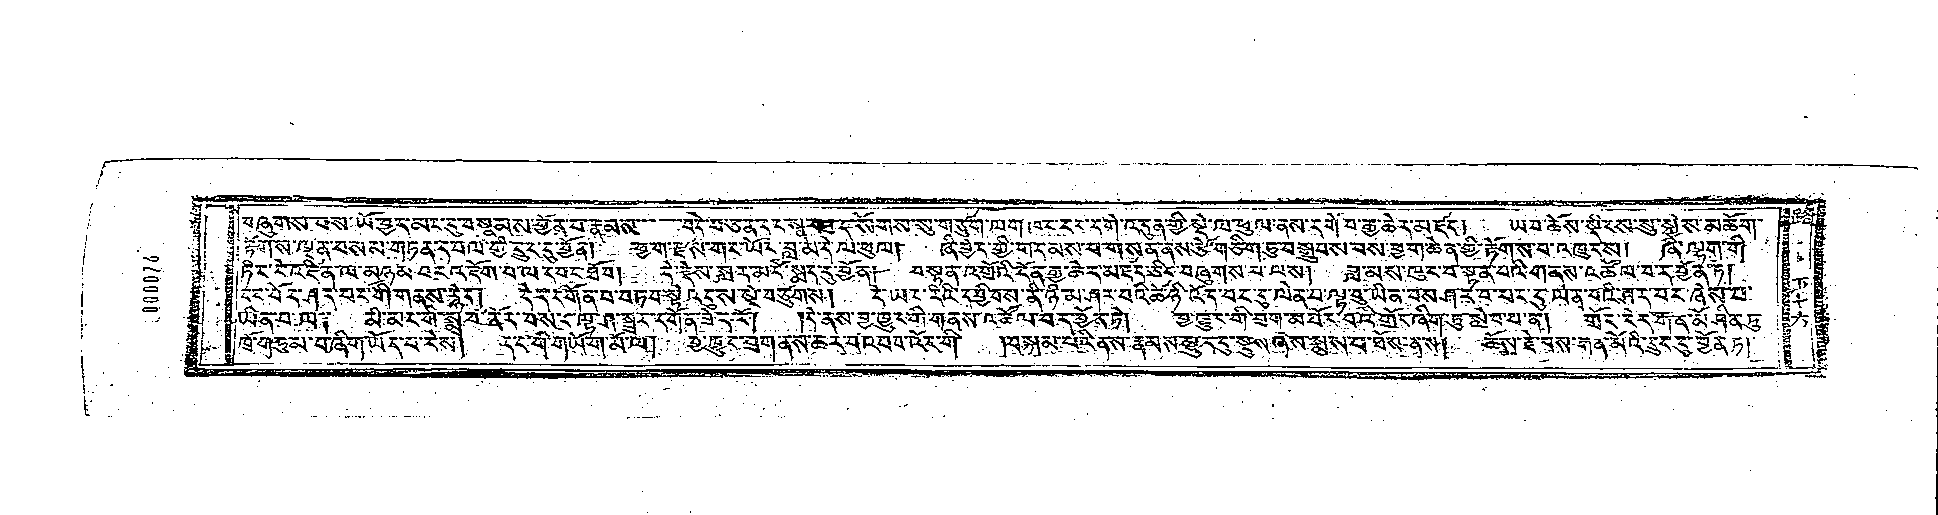བཞུགས་པས་ཡོ་བྱད་མང་དུ་བསྣམས་བྱོན་བ་རྣམས་བདེ་བ་ཅན་དང་སྣང་ཐང་སོགས་སུ་གཙུག་ལག་ཁང་དང་དགེ་འདུན་གྱི་སྡེ་ལ་ཕུལ་ནས་དགེ་བ་རྒྱ་ཆེར་མཛད། ཡབ་ཆོས་སྡིངས་སུ་སྐྱེས་མཆོག་
རྟོགས་ལྡན་བསམ་གཏན་དཔལ་གྱི་དྲུང་དུ་བྱོན། ཕྱག་རྫས་གང་ཡོང་བླ་མ་དེ་ལ་ཕུལ། ཞི་བྱེད་གྱི་གདམས་པ་གསན་ནས་རྩེ་གཅིག་ཏུ་བསྒྲུབས་པས་ཕྱག་ཆེན་གྱི་རྟོགས་བ་འཁྲུངས། ཞི་ལྷག་གི་
ཏིང་ངེ་འཛིན་ལ་མཉམ་བར་འཇོག་པ་ལ་དབང་ཐོབ། དེ་རྗེས་སླར་མདོ་སྨད་དུ་བྱོན། བསྟན་འགྲོའི་དོན་རྒྱ་ཆེར་མཛད་ཅིང་བཞུགས་པ་ལས། བླ་མས་ལུང་བསྟན་པའི་གནས་འཚོལ་བ་ར་བྱོན་ཏེ།
དང་པོར་ཤར་བང་གི་གནས་རྙེད། དེར་དགོན་བ་བཏབ་སྟེ་འདུས་སྡེ་བཙུགས། དེ་ཡང་རིའི་དབྱིབས་ནི་ཉི་མ་ཤར་བའི་ཚེ་ཉི་འོད་བང་དུ་ལོན་པ་ལྟ་བུ་ཡིན་པས་ཤར་བ་པར་དུ་ལན་བའི་ཤར་པང་ཞེས་པ་
ཡིན་བ་ལ༑ མི་མང་གི་སྨྲ་བ་ནོར་བས་ར་ལྟ་ཤ་སྦྲང་དགོན་ཟེར་རོ། །དེ་ནས་བྱ་ཁྱུང་གི་གནས་འཚོལ་བར་བྱོན་ཏེ། བྱ་ཁྱུང་གི་ཟག་མཐོང་བའི་གྲོང་ཞིག་ཏུ་སླེབས་པ་ན། གྲོང་དེར་རྒན་མོ་ཤིན་ཏུ་
ཁྲོ་གཏུམ་པ་ཞིག་ཡོད་པ་ངེས། ད་ང་གི་གཡོག་མོ་ལ། བྱ་ཁྱུང་བྲག་ནས་ཆར་བ་འབབ་འོད་གི །བསྐམ་པའི་ནས་རྣམས་མྱུར་དུ་སྡུགས་ཞེས་སྨྲས་པ་ཐོས་ནས། ཆོས་རྗེ་པས་རྒན་མོའི་དྲུང་དུ་བྱོན་ཏེ།